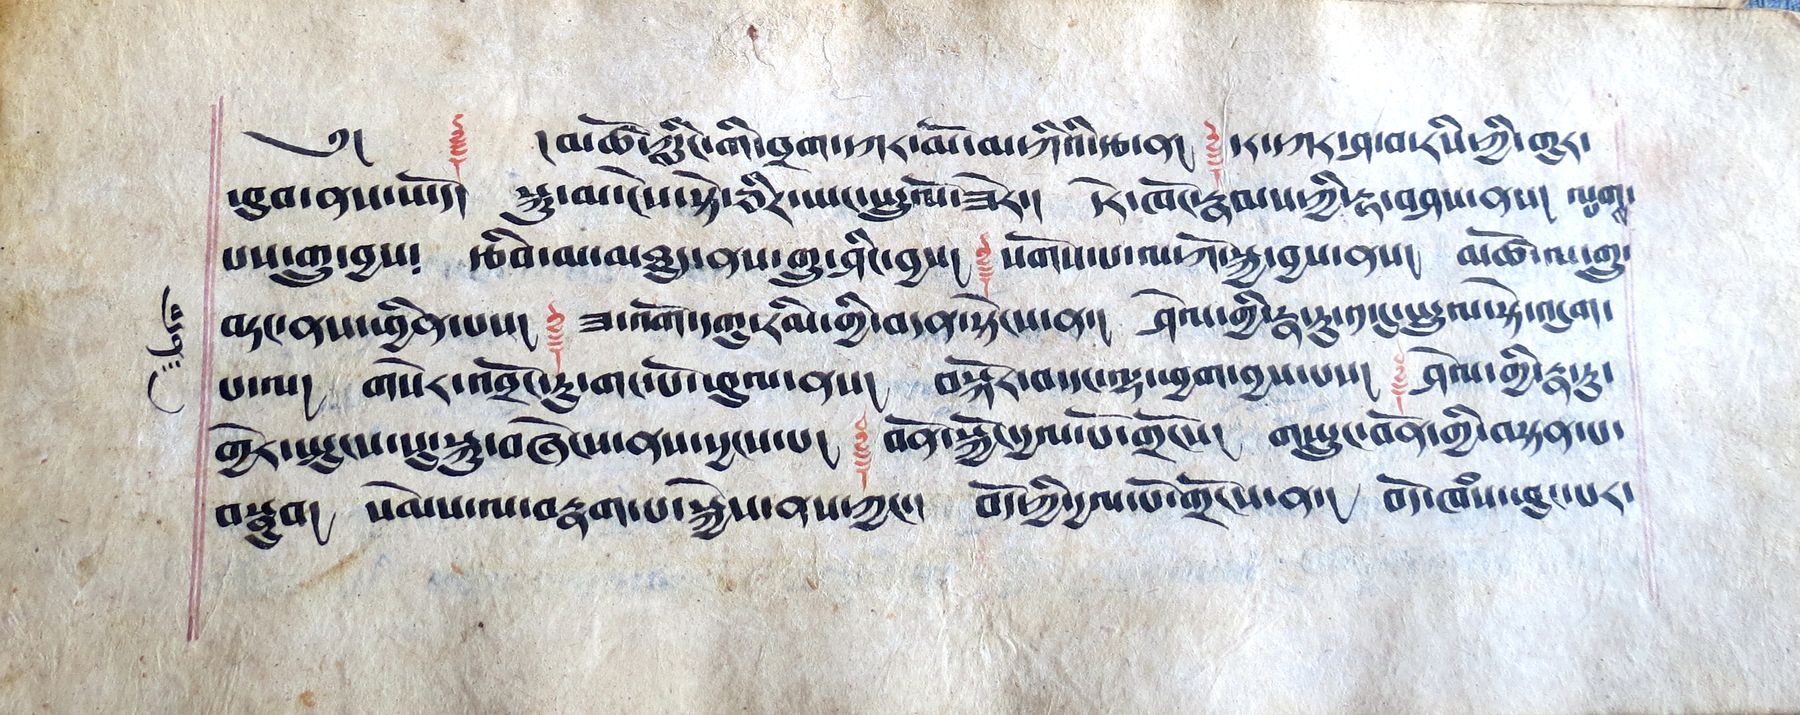མཚོ་གླིང་གི་བྲག་དཀར་པོ་མ་གིའི་རྩ་ན་དར་དཀར་ཤ་བ་རིས་ཀྱི་གུར་
ཕུབ་ནས་ཡོད། སྐུ་མ་ངེས་ཏེ་ཅི་ཡང་སྤྲུལ་ཟེར་རོ། ། དེར་ཁོང་རྣམས་ཀྱིས་རྟ་བཤས་ནས་ལྤགས་
པས་གྲུ་བྱས། རྩིབས་མ་མཐུད་ནས་གྲུ་ཤིང་བྱས། སོག་པ་ལ་ཀོ་སྐྱ་བྱས་ནས་མཚོ་ལ་གྲུ་
བཏང་ནས་ཕྱིན་པས། ཟ་འོག་དགུ་རིམ་གྱི་གདན་སྟེང་ན། ཤེལ་གྱི་རྣ་རུ་གཅིག་ཏུ་སྤྲུལ་ནས་འདུག་
པ་ལ། གསེར་ཕྱེ་འབྲོང་རུ་གང་ཕུལ་ནས་བསྐོར་བ་དང་ལྷ་ཕྱག་བྱས་པས། ཤེལ་གྱི་རྣ་རུ་
གྱེར་སྤུངས་སུ་སྐུ་བཞེངས་ནས་གསུངས་པ། བོན་སྐྱོང་རྒྱལ་པོ་བཀྲོངས། གཡུང་དྲུང་བོན་གྱི་བསྟན་པ་
བསྣུབས། ཐུགས་ལས་བརྣག་པ་སྐྱེས་ནས་ཀྱང་། བོད་ཀྱི་རྒྱལ་པོ་གྲོངས་ན་བོད་ཁམས་ཕུང་བར་